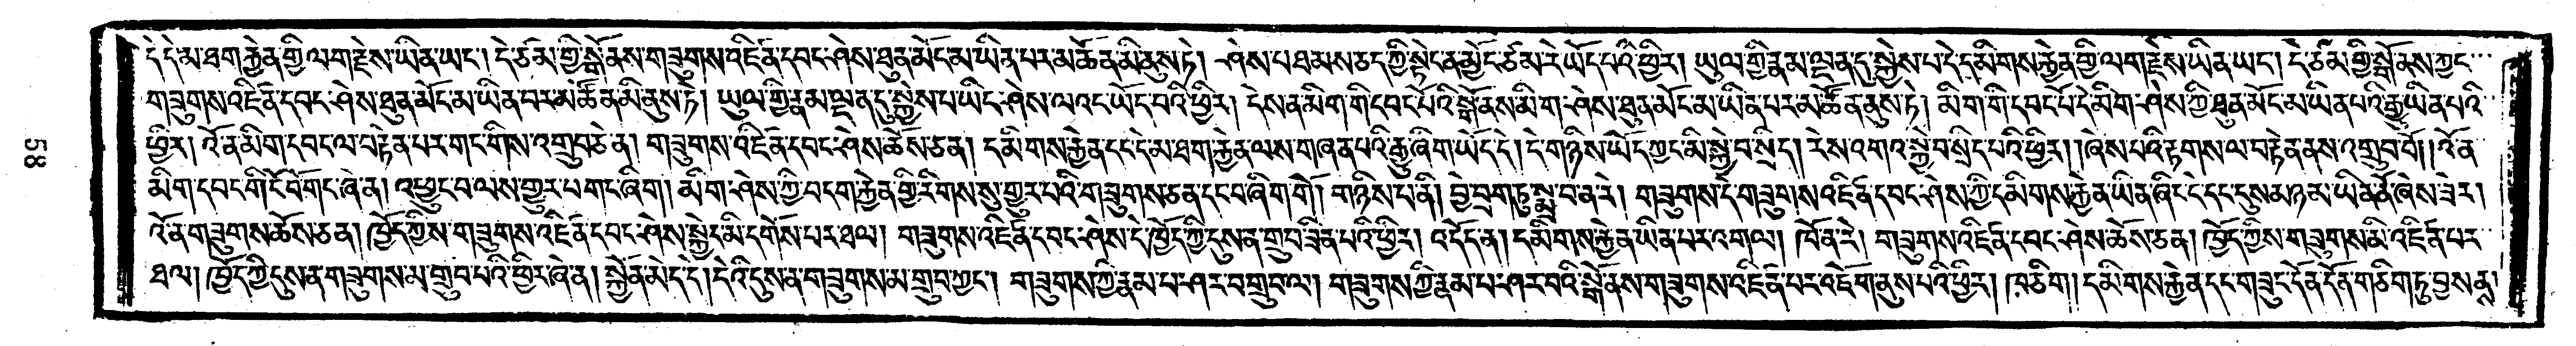དེ་དེ་མ་ཐག་རྐྱེན་གྱི་ལག་རྗེས་ཡིན་ཡང་། དེ་ཙམ་གྱི་སྒོ་ནས་གཟུགས་འཛིན་དབང་ཤེས་ཐུན་མོང་མ་ཡིན་པར་མཚོན་མི་ནུས་ཏེ། ཤེས་པ་ཐམས་ཅད་ཀྱི་སྟེང་ན་མྱོང་ཙམ་རེ་ཡོད་པའི་ཕྱིར། ཡུལ་གྱི་རྣམ་ལྡན་དུ་སྐྱེས་པ་དེ་དམིགས་རྐྱེན་གྱི་ལག་རྗེས་ཡིན་ཡང་། དེ་ཙམ་གྱི་སྒོ་ནས་ཀྱང་
གཟུགས་འཛིན་དབང་ཤེས་ཐུན་མོང་མ་ཡིན་པར་མཚོན་མི་ནུས་ཏེ། ཡུལ་གྱི་རྣམ་ལྡན་དུ་སྐྱེས་པ་ཡིད་ཤེས་ལའང་ཡོད་པའི་ཕྱིར། དེས་ན་མིག་གི་དབང་པོའི་སྒོ་ནས་མིག་ཤེས་ཐུན་མོང་མ་ཡིན་པར་མཚོན་ནུས་ཏེ། མིག་གི་དབང་པོ་དེ་མིག་ཤེས་ཀྱི་ཐུན་མོང་མ་ཡིན་པའི་རྒྱུ་ཡིན་པའི་
ཕྱིར། འོ་ན་མིག་དབང་ལ་བརྟེན་པར་གང་གིས་འགྲུབ་ཅེ་ན། གཟུགས་འཛིན་དབང་ཤེས་ཆོས་ཅན། དམིགས་རྐྱེན་དང་དེ་མ་ཐག་རྐྱེན་ལས་གཞན་པའི་རྒྱུ་ཞིག་ཡོད་དེ། དེ་གཉིས་ཡོད་ཀྱང་མི་སྐྱེ་བ་སྲིད། རེས་འགའ་སྐྱེ་བ་སྲིད་པའི་ཕྱིར། །ཞེས་པའི་རྟགས་ལ་བརྟེན་ནས་འགྲུབ་བོ། །འོ་ན་
མིག་དབང་གི་ངོ་བོ་གང་ཞེ་ན། འབྱུང་བ་ལས་གྱུར་པ་གང་ཞིག །མིག་ཤེས་ཀྱི་བདག་རྐྱེན་གྱི་རིགས་སུ་གྱུར་པའི་གཟུགས་ཅན་དང་བ་ཞིག་གོ། གཉིས་པ་ནི། བྱེ་བྲག་ཏུ་སྨྲ་བ་ན་རེ། གཟུགས་དེ་གཟུགས་འཛིན་དབང་ཤེས་ཀྱི་དམིགས་རྐྱེན་ཡིན་ཞིང་དེ་དང་དུས་མཉམ་ཡིན་ནོ་ཞེས་ཟེར།
འོ་ན་གཟུགས་ཆོས་ཅན། ཁྱོད་ཀྱིས་གཟུགས་འཛིན་དབང་ཤེས་སྐྱེད་མི་དགོས་པར་ཐལ། གཟུགས་འཛིན་དབང་ཤེས་དེ་ཁྱོད་ཀྱི་དུས་ན་གྲུབ་ཟིན་པའི་ཕྱིར། འདོད་ན། དམིགས་རྐྱེན་ཡིན་པར་འགལ། ཁོ་ན་རེ། གཟུགས་འཛིན་དབང་ཤེས་ཆོས་ཅན། ཁྱོད་ཀྱིས་གཟུགས་མི་འཛིན་པར་
ཐལ། ཁྱོད་ཀྱི་དུས་ན་གཟུགས་མ་གྲུབ་པའི་ཕྱིར་ཞེ་ན། སྐྱོན་མེད་དེ། དེའི་དུས་ན་གཟུགས་མ་གྲུབ་ཀྱང་། གཟུགས་ཀྱི་རྣམ་པ་ཤར་བ་གྲུབ་ལ། གཟུགས་ཀྱི་རྣམ་པ་ཤར་བའི་སྒོ་ནས་གཟུགས་འཛིན་པར་འཇོག་ནུས་པའི་ཕྱིར། ཁ་ཅིག །དམིགས་རྐྱེན་དང་གཟུང་དོན་དོན་གཅིག་ཏུ་བྱས་ན།